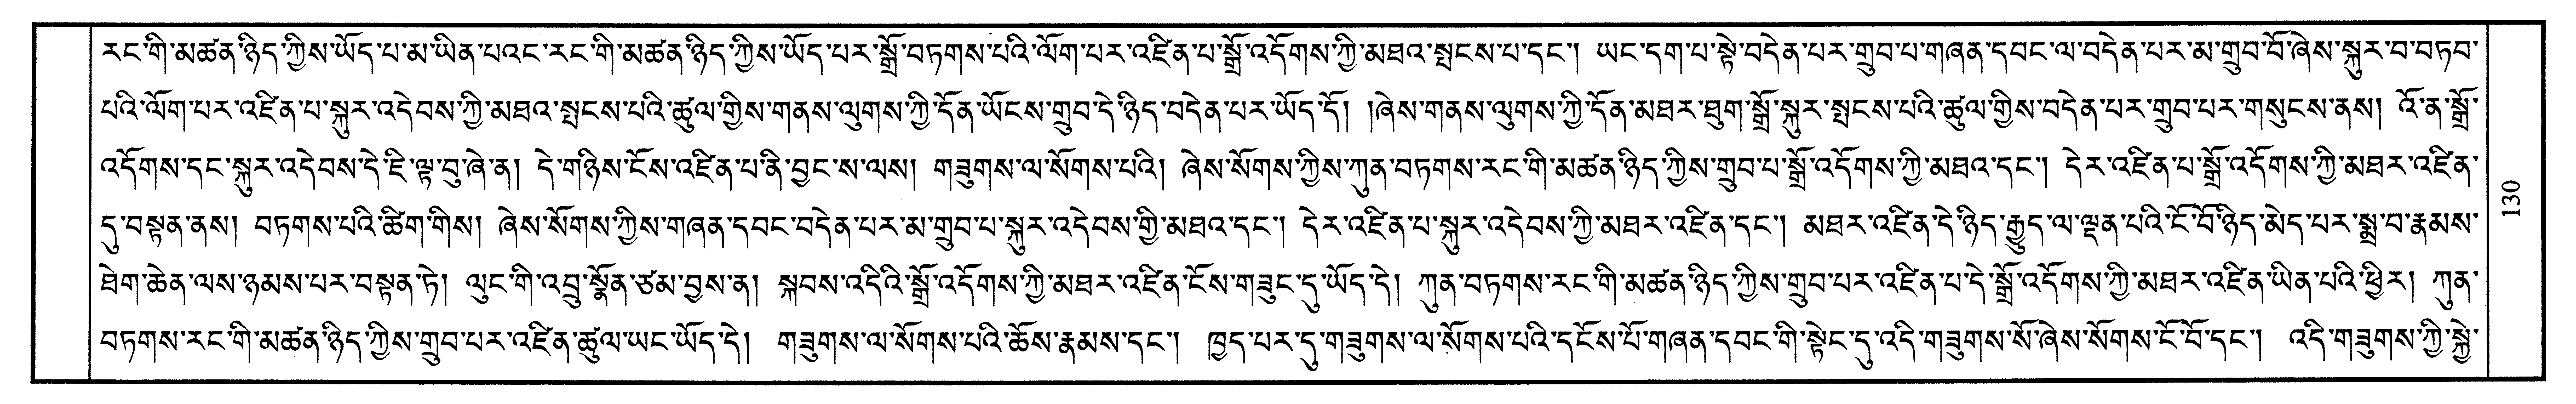རང་གི་མཚན་ཉིད་ཀྱིས་ཡོད་པ་མ་ཡིན་པའང་རང་གི་མཚན་ཉིད་ཀྱིས་ཡོད་པར་སྒྲོ་བཏགས་པའི་ལོག་པར་འཛིན་པ་སྒྲོ་འདོགས་ཀྱི་མཐའ་སྤངས་པ་དང་། ཡང་དག་པ་སྟེ་བདེན་པར་གྲུབ་པ་གཞན་དབང་ལ་བདེན་པར་མ་གྲུབ་བོ་ཞེས་སྐུར་བ་བཏབ་
པའི་ལོག་པར་འཛིན་པ་སྐུར་འདེབས་ཀྱི་མཐའ་སྤངས་པའི་ཚུལ་གྱིས་གནས་ལུགས་ཀྱི་དོན་ཡོངས་གྲུབ་དེ་ཉིད་བདེན་པར་ཡོད་དོ། །ཞེས་གནས་ལུགས་ཀྱི་དོན་མཐར་ཐུག་སྒྲོ་སྐུར་སྤངས་པའི་ཚུལ་གྱིས་བདེན་པར་གྲུབ་པར་གསུངས་ནས། འོ་ན་སྒྲོ་
འདོགས་དང་སྐུར་འདེབས་དེ་ཇི་ལྟ་བུ་ཞེ་ན། དེ་གཉིས་ངོས་འཛིན་པ་ནི་བྱང་ས་ལས། གཟུགས་ལ་སོགས་པའི། ཞེས་སོགས་ཀྱིས་ཀུན་བཏགས་རང་གི་མཚན་ཉིད་ཀྱིས་གྲུབ་པ་སྒྲོ་འདོགས་ཀྱི་མཐའ་དང་། དེར་འཛིན་པ་སྒྲོ་འདོགས་ཀྱི་མཐར་འཛིན་
དུ་བསྟན་ནས། བཏགས་པའི་ཚིག་གིས། ཞེས་སོགས་ཀྱིས་གཞན་དབང་བདེན་པར་མ་གྲུབ་པར་སྐུར་འདེབས་གྱི་མཐའ་དང་། དེར་འཛིན་པ་སྐུར་འདེབས་ཀྱི་མཐར་འཛིན་དང་། མཐར་འཛིན་དེ་ཉིད་རྒྱུད་ལ་ལྡན་པའི་ངོ་བོ་ཉིད་མེད་པར་སྨྲ་བ་རྣམས་
ཐེག་ཆེན་ལས་ཉམས་པར་བསྟན་ཏེ། ལུང་གི་འབྲུ་སྣོན་ཙམ་བྱས་ན། སྐབས་འདིའི་སྒྲོ་འདོགས་ཀྱི་མཐར་འཛིན་ངོས་གཟུང་དུ་ཡོད་དེ། ཀུན་བཏགས་རང་གི་མཚན་ཉིད་ཀྱིས་གྲུབ་པར་འཛིན་པ་དེ་སྒྲོ་འདོགས་ཀྱི་མཐར་འཛིན་ཡིན་པའི་ཕྱིར། ཀུན་
བཏགས་རང་གི་མཚན་ཉིད་ཀྱིས་གྲུབ་པར་འཛིན་ཚུལ་ཡང་ཡོད་དེ། གཟུགས་ལ་སོགས་པའི་ཆོས་རྣམས་དང་། ཁྱད་པར་དུ་གཟུགས་ལ་སོགས་པའི་དངོས་པོ་གཞན་དབང་གི་སྟེང་དུ་འདི་གཟུགས་སོ་ཞེས་སོགས་ངོ་བོ་དང་། འདི་གཟུགས་ཀྱི་སྐྱེ་